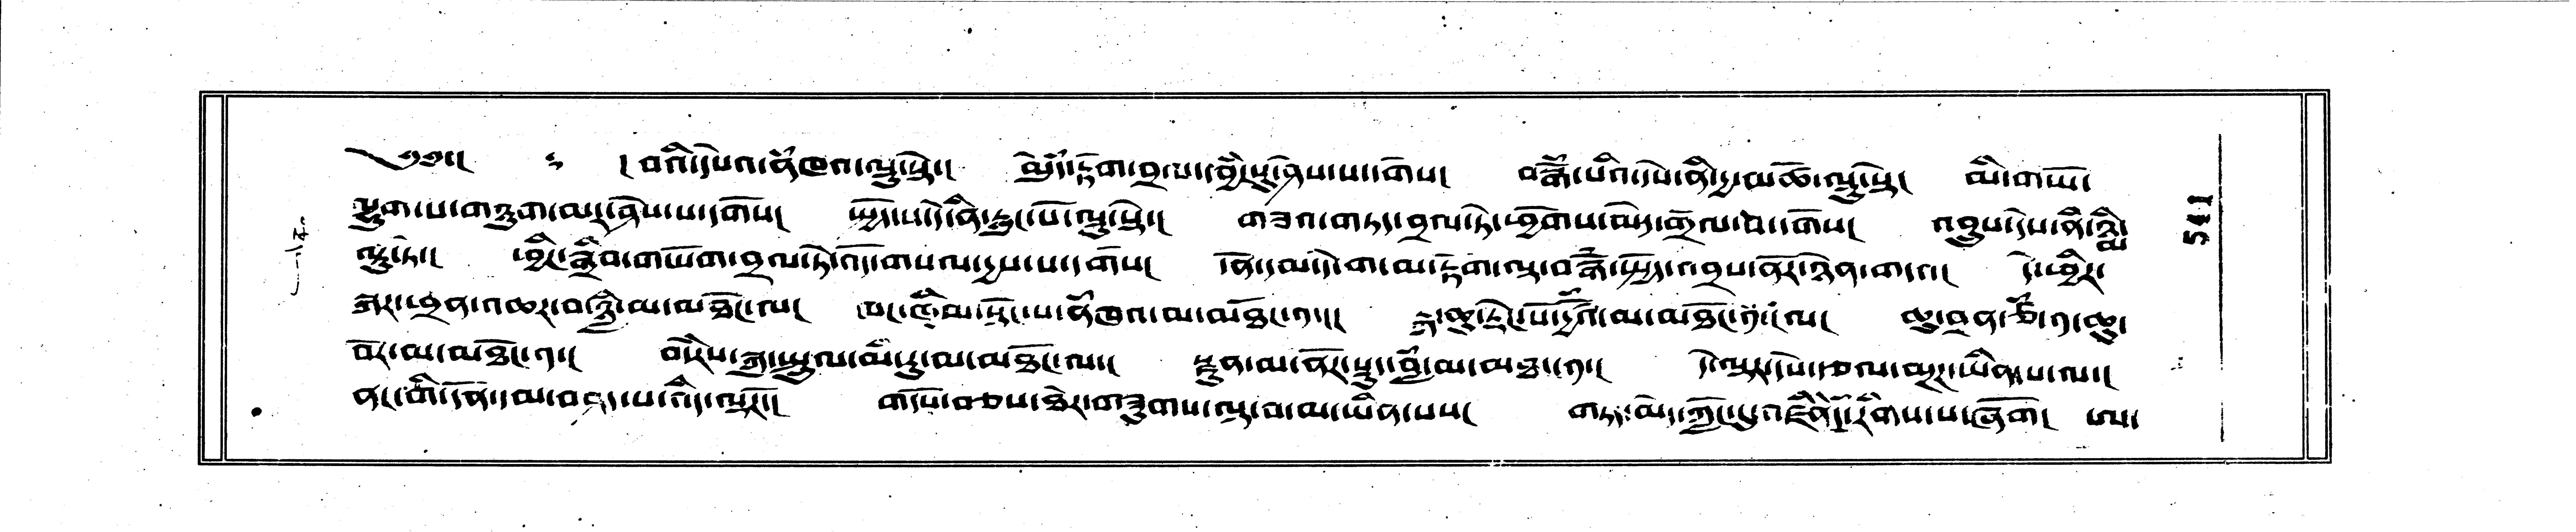བའི་དཔེ་ནི་ནམ་མཁའ་ལྟ་བུ་སྟེ། མུ་མེད་རྟོག་མེད་མཐའ་བྲལ་དབྱིངས་སུ་ཤེས་པ་དགོས། སྒོམ་པའི་དཔེ་ནི་རྒྱ་མཚོ་ལྟ་བུ་སྟེ། མི་གཡོ་
ལྷུག་པ་གཉུག་མར་ཤེས་པ་དགོས། སྤྱོད་པའི་དཔེ་ནི་རླུང་པོ་ལྟ་བུ་སྟེ། གཟའ་གཏད་བྲལ་སྟེ་ཕྱོགས་མེད་དུ་གྲོལ་བ་དགོས། འབྲས་བུའི་དཔེ་ནི་ཉི་མ་
ལྟ་བུ་སྟེ། ཕྱི་ནང་སྒྲིབ་གཡོགས་བྲལ་ཏེ་འོད་གསལ་རྒྱས་པ་དགོས། དོན་དམ་དེ་ལྟར་མ་རྟོགས་ལྟ་སྒོམ་སྤྱོད་འབྲས་ཡང་ནོར་ཉེན་གདའ། དེ་ཕྱིར་
སྐལ་ཕྲག་‘‘སྐར་ཕྲན”ཤར་བ་ཉི་ཟླ་ཁང་ཁྱིམ་དུ་མ་མཐོང་ལ། ཁང་ཁྱིམ་སྟོང་པར་ནམ་མཁའ་མ་མཐོང་ཅིག རྐོ་ཆུ་ལྡིང་པོ་རྒྱ་མཚོ་མ་མཐོང་ལ། ཆུ་བྲན་རྩག་རྩིག་གི་ཆུ་
བོ་མ་མཐོང་ལ། བདེར་གཤེགས་སྐུ་སྤྲུལ་མི་རུ་མ་མཐོང་ལ། རྫུན་མ་ནོར་རྒྱུད་བླ་མ་མ་མཐོང་ལ། དེ་ལྟར་དཔེ་བརྩལ་མེན་ངག་ཡིན་པ་སྟེ། ད་
ནང་གི་དོན་དམ་བཤད་པ་འདི་ལྟར་སྟེ། གཏད་བཅས་ཐེར་ཟུག་པ་མ་ཡིན་པས། གཏད་མེད་ཀློང་དུ་འཛིན་མེད་རིག་པ་ཞོག ཨ་